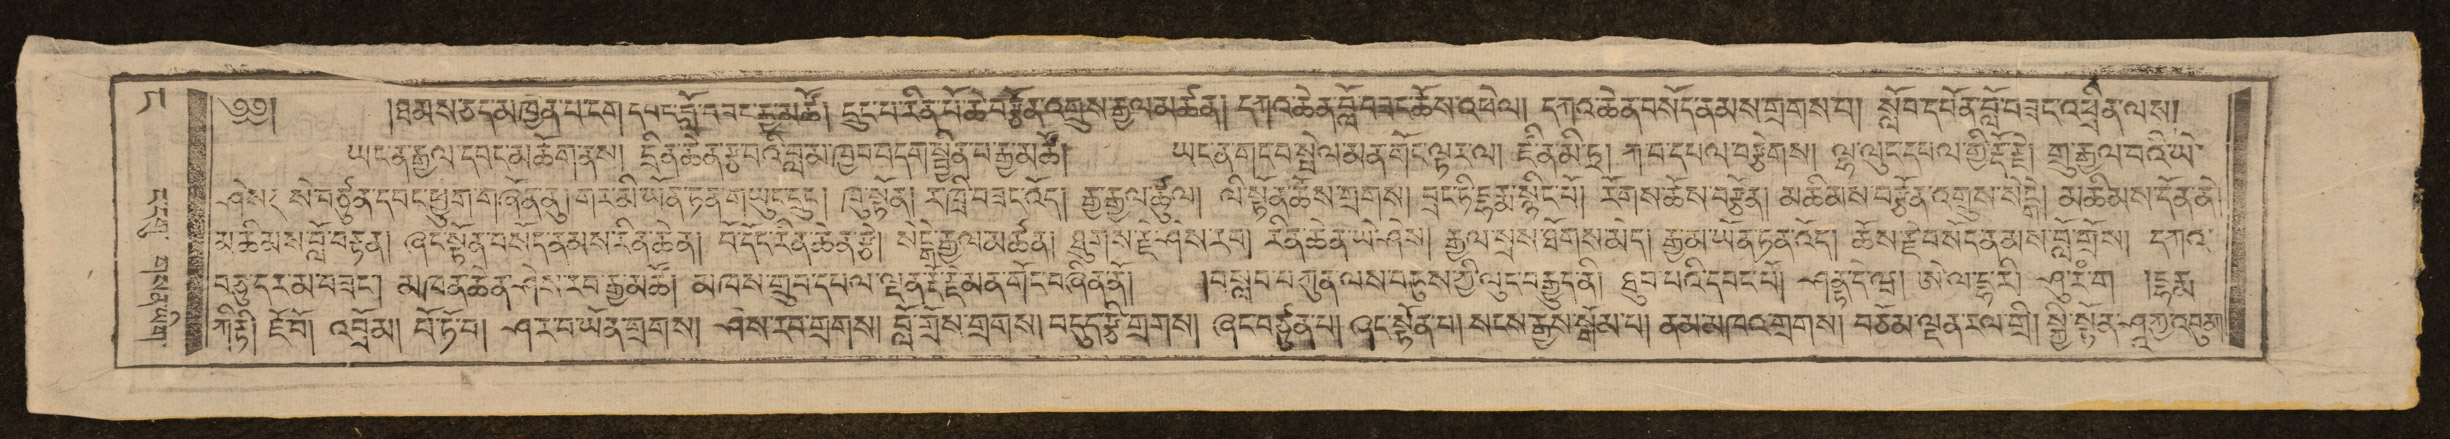༄༅། །ཐམས་ཅད་མཁྱེན་པ་ངག་དབང་བློ་བཟང་རྒྱ་མཚོ། དྲུང་པ་རིན་པོ་ཆེ་བརྩོན་འགྲུས་རྒྱལ་མཚན། དཀའ་ཆེན་བློ་བཟང་ཆོས་འཕེལ། དཀའ་ཆེན་བསོད་ནམས་གྲགས་པ། སློབ་དཔོན་བློ་བཟང་འཕྲིན་ལས།
ཡང་ན་རྒྱལ་དབང་མཆོག་ནས། དྲིན་ཆེན་རྩ་བའི་བླ་མ་ཁྱབ་བདག་སྦྱིན་བ་རྒྱ་མཚོ། ཡང་ན་གང་བསྤེལ་མན་གོང་ལྟར་ལ། ཛིན་མི་ཏྲ། ཀ་བ་དཔལ་བརྩེགས། ལྷ་ལུང་དཔལ་གྱི་རྡོ་རྗེ། གྲུ་རྒྱལ་པའི་ཡེ་
ཤེས༑ སེ་བཙུན་དབང་ཕྱུག་གཞོན་ནུ། གར་མི་ཡོན་ཏན་གཡུང་དྲུང་། ཁུ་སྟོན། ར་ཁྲི་བཟང་འོད། རྒྱ་རྒྱལ་ཚུལ། ལི་སྟོན་ཆོས་གྲགས། བྲང་ཏི་དྷ་རྨ་སྙིང་པོ། རོགས་ཆོས་བརྩོན། མཆིམས་བརྩོན་འགྲུས་སེངྒེ། མཆིམས་དོན་ནེ།
མཆིམས་བློ་བརྟན། ཞང་སྟོན་བསོད་ནམས་རིན་ཆེན། བོ་དོང་རིན་ཆེན་རྩེ། སེངྒེ་རྒྱལ་མཚན། ཐུགས་རྗེ་ཤེས་རབ། རིན་ཆེན་ཡེ་ཤེས། རྒྱལ་སྲས་ཐོགས་མེད། རྒྱ་མ་ཡོན་ཏན་འོད། ཆོས་རྗེ་བསོད་ནམས་བློ་གྲོས། དཀའ་
བཅུ་དར་མ་བཟང་། མཁན་ཆེན་ཤེས་རབ་རྒྱ་མཚོ། མཁས་གྲུབ་དཔལ་ལྡན་རྡོ་རྗེ་ན་གོང་བཞིན་ནོ། །བསླབ་པ་ཀུན་ལས་བཏུས་ཀྱི་ལུང་བརྒྱུད་ནི། ཐུབ་པའི་དབང་པོ། ཤནྟ་དེ་ཝ། ཨེ་ལ་དྷ་རི། ཤུ་རིག །དྷ་རྨ་
ཀིརྟི། ཇོ་བོ། འབྲོམ། པོ་ཏོ་བ། ཤ་ར་བ་ཡོན་གྲགས། ཤེས་རབ་གྲགས་བློ་གྲོས་གྲགས། བདུད་རྩི་གྲགས། ཞང་བཙུན་པ། ཞང་སྟོན་པ། སངས་རྒྱས་སྒོམ་པ། ནམ་མཁའ་གྲགས། བཅོམ་ལྡན་རལ་གྲི། སྐྱི་སྟོན་ཤཱཀྱ་འབུམ་